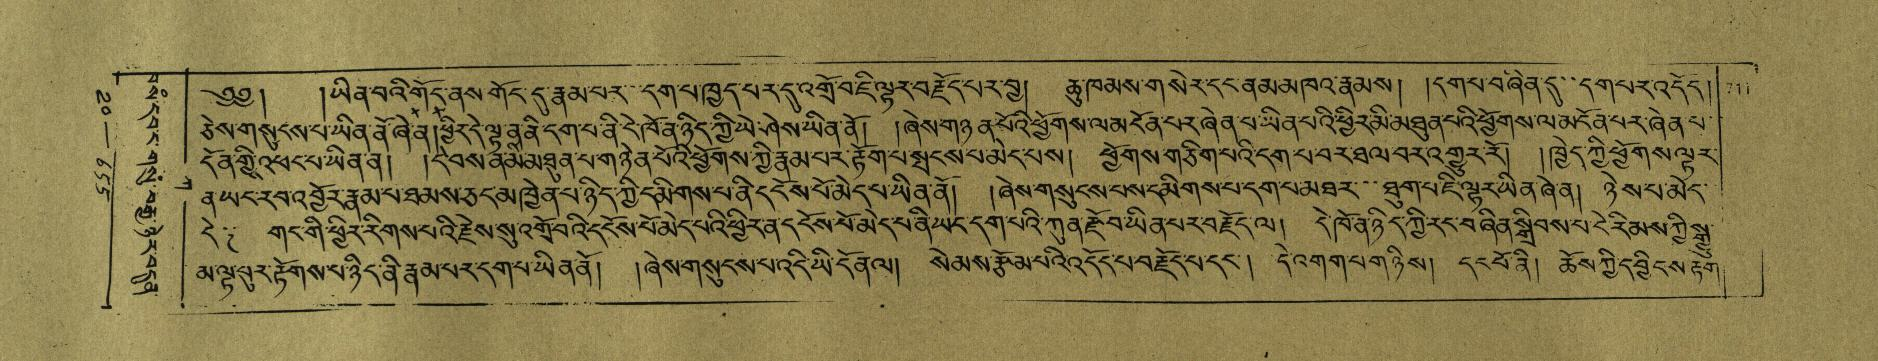༄༅། །ཡིན་བའི་གོང་ནས་གོང་དུ་རྣམ་པར་དག་པ་ཁྱད་པར་དུ་འགྲོ་བ་ཇི་ལྟར་བརྗོད་པར་བྱ། ཆུ་ཁམས་གསེར་དང་ནམ་མཁའ་རྣམས། །དག་པ་བཞིན་དུ་དག་པར་འདོད།
ཅེས་གསུངས་པ་ཡིན་ནོ་ཞེ་ན། ཕྱིར་དེ་ལྟ་ན་ནི་དག་པ་ནི་དེ་ཁོ་ན་ཉིད་ཀྱི་ཡེ་ཤེས་ཡིན་ནོ། །ཞེས་གཉན་པོའི་ཕྱོགས་ལ་མངོན་པར་ཞེན་པ་ཡིན་པའི་ཕྱིར་མི་མཐུན་པའི་ཕྱོགས་ལ་མངོན་པར་ཞེན་པ་
དོན་གྱིས་འཕང་པ་ཡིན་ན། །དེ་བས་ན་མི་མཐུན་པ་གཉེན་པོའི་ཕྱོགས་ཀྱི་རྣམ་པར་རྟོག་པ་སྤངས་པ་མེད་པས། ཕྱོགས་གཅིག་པའི་དག་པ་བར་ཐལ་བར་འགྱུར་རོ། །ཁྱེད་ཀྱི་ཕྱོགས་ལྟར་
ན་ཡང་རབ་འབྱོར་རྣམ་པ་ཐམས་ཅད་མཁྱེན་པ་ཉིད་ཀྱི་དམིགས་པ་ནི་དངོས་པོ་མེད་པ་ཡིན་ནོ། །ཞེས་གསུངས་པས་དམིགས་པ་དག་པ་མཐར་ཐུགས་པ་ཇི་ལྟར་ཡིན་ཞེ་ན། ཉེས་པ་མེད་
དེ༑ གང་གི་ཕྱིར་རིགས་པའི་རྗེས་སུ་འགྲོ་བའི་དངོས་པོ་མེད་པའི་ཕྱིར་ན་དངོས་པོ་མེད་པ་ནི་ཡང་དག་པའི་ཀུན་རྫོབ་ཡིན་པར་བརྗོད་ལ། དེ་ཁོ་ན་ཉིད་ཀྱི་རང་བཞིན་སྒྲིབས་པ་ངེ་རིམས་ཡི་སྒྱུར་
མ་ལྟ་བུར་རྟོགས་པ་ཉིད་ནི་རྣམ་པར་དག་པ་ཡིན་ནོ། །ཞེས་གསུངས་པ་འདི་ཡི་དོན་ལ། སེམས་རྩོམ་པའི་འདོད་པ་བརྗོད་པ་དང་། དེ་འགའ་པ་གཉིས། དང་པོ་ནི། ཆོས་ཀྱི་དབྱིངས་རྟག་